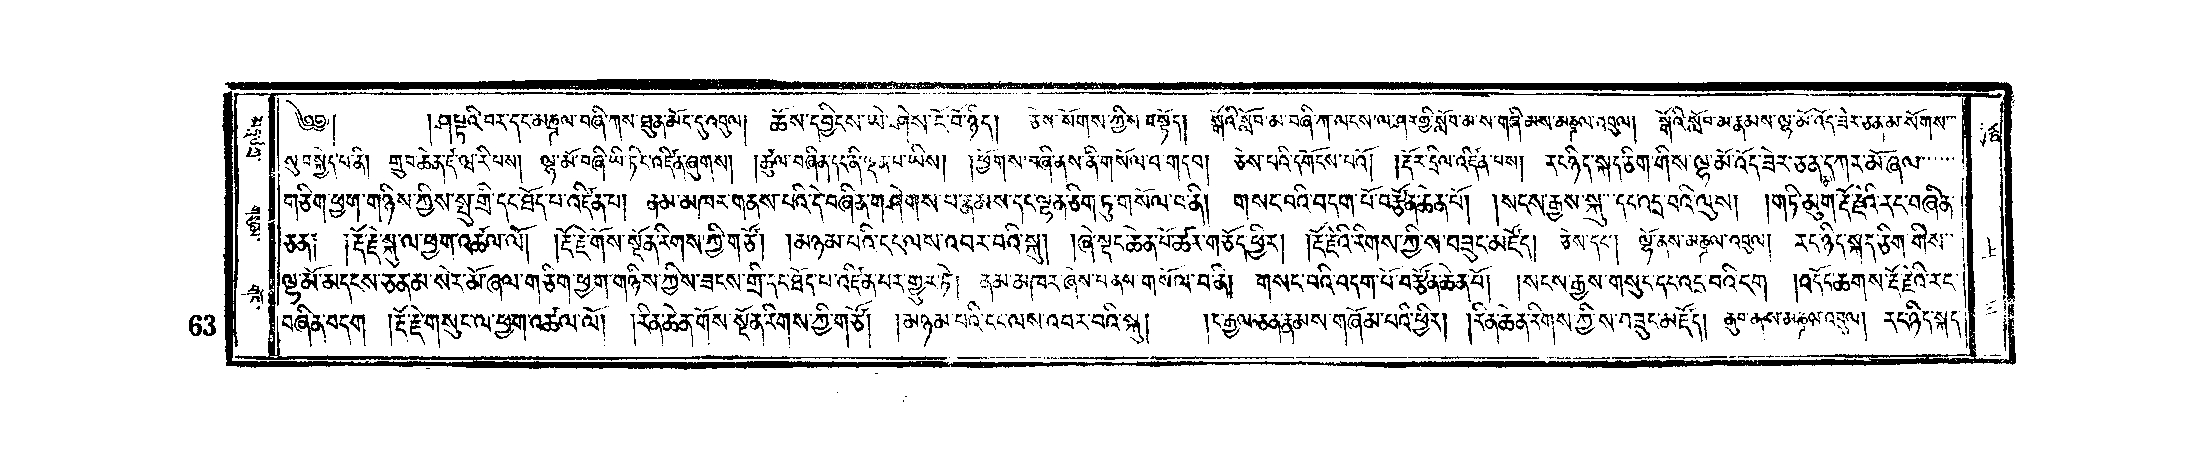༄༅། །ཤཔྟའི་བར་དང་མཎྜལ་བཞི་ཀས་ཐུན་མོང་དུ་འབུལ། ཆོས་དབྱིངས་ཡེ་ཤེས་ངོ་བོ་ཉིད། ཅེས་སོགས་ཀྱིས་བསྟོད། སྒོའི་སློབ་མ་བཞི་ཀ་ལངས་ལ་ཤར་གྱི་སློབ་མ་ས་གཞི་མས་མཎྜལ་འབུལ། སྒོའི་སློབ་མ་རྣམས་ལྷ་མོ་འོད་ཟེར་ཅན་མ་སོགས་
སུ་བསྐྱེད་པ་ནི། གྲུབ་ཆེན་ཛ་ཝ་རི་པས། ལྷ་མོ་བཞི་ཡི་ཏིང་འཛིན་ཞུགས། །ཚུལ་བཞིན་དང་ནི་ལྡན་པ་ཡིས། །ཕྱོགས་བཞི་ནས་ནི་གསོལ་བ་གདབ། ཅེས་པའི་དགོངས་པའོ། །རྡོར་དྲིལ་འཛིན་པས། རང་ཉིད་སྐད་ཅིག་གིས་ལྷ་མོ་འོད་ཟེར་ཅན་མ་དཀར་མོ་ཞལ་
གཅིག་ཕྱག་གཉིས་ཀྱིས་སྤུ་གྲི་དང་ཐོད་པ་འཛིན་པ། ནམ་མཁར་གནས་པའི་དེ་བཞིན་གཤེགས་པ་རྣམས་དང་ལྷན་ཅིག་ཏུ་གསོལ་བ་ནི། གསང་བའི་བདག་པོ་བརྩོན་ཆེན་པོ། །སངས་རྒྱས་སྐུ་དང་འདྲ་བའི་ལུས། །གཏི་མུག་རྡོ་རྗེའི་རང་བཞིན་
ཅན། །རྡོ་རྗེ་སྐུ་ལ་ཕྱག་འཚལ་ལོ། །རྡོ་རྗེ་གོས་སྔོན་རིགས་ཀྱི་གཙོ། །མཉམ་པའི་ངང་ལས་འབར་བའི་སྐུ། །ཞེ་སྡང་ཆེན་པོ་ཚར་གཅོད་ཕྱིར། །རྡོ་རྗེའི་རིགས་ཀྱི་ས་བཟུང་མཛོད། ཅེས་དང་། ལྷོ་ནས་མཎྜལ་འབུལ། རང་ཉིད་སྐད་ཅིག་གིས་
ལྷ་མོ་མདངས་ཅན་མ་སེར་མོ་ཞལ་གཅིག་ཕྱག་གཉིས་ཀྱིས་ཟངས་གྲི་དང་ཐོད་པ་འཛིན་པར་གྱུར་ཏེ། ནམ་མཁར་ཞེས་པ་ནས་གསོལ་བ་ནི། གསང་བའི་བདག་པོ་བརྩོན་ཆེན་པོ། །སངས་རྒྱས་གསུང་དང་འདྲ་བའི་ངག །འདོད་ཆགས་རྡོ་རྗེའི་རང་
བཞིན་བདག །རྡོ་རྗེ་གསུང་ལ་ཕྱག་འཚལ་ལོ། །རིན་ཆེན་གོས་སྔོན་རིགས་ཀྱི་གཙོ། །མཉམ་པའི་ངང་ལས་འབར་བའི་སྐུ། །ང་རྒྱལ་ཅན་རྣམས་གཞོམ་པའི་ཕྱིར། །རིན་ཆེན་རིགས་ཀྱི་ས་བཟུང་མཛོད། ནུབ་ནས་མཎྜལ་འབུལ། རང་ཉིད་སྐད་